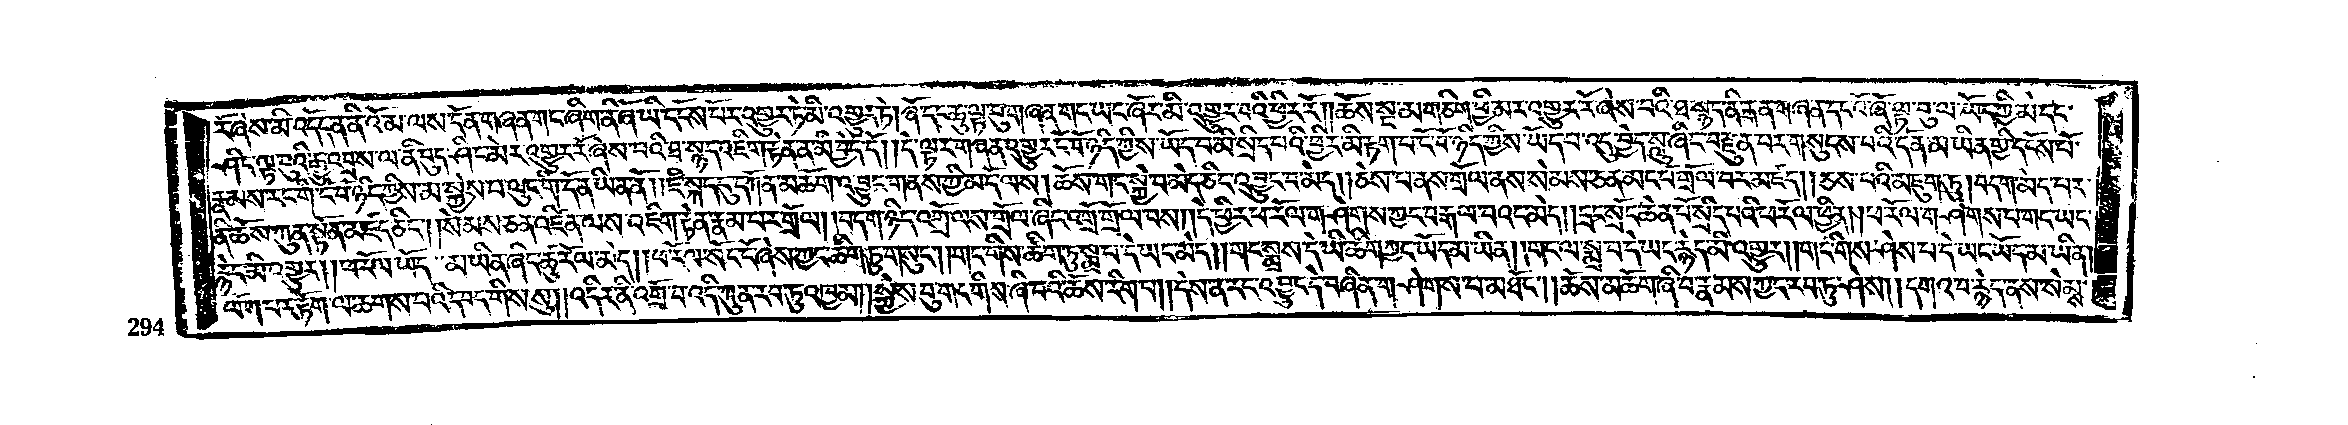རོ་ཞེས་མི་འདོད་ན་ནི་འོ་མ་ལས་དོན་གཞན་གང་ཞིག་ནི་ཞོ་ཡི་དངོས་པོར་འགྱུར་ཏེ་མི་འགྱུར་ཏེ། ཞོ་དང་ཆུ་ལྟ་བུ་གཞན་གང་ཡང་ཞོར་མི་འགྱུར་བའི་ཕྱིར་རོ། །ཆོས་སྔ་མ་གཅིག་ཕྱི་མར་འགྱུར་རོ་ཞེས་པའི་ཐ་སྙད་ནི་རྒན་གཞན་དང་འོ་ཞོ་ལྟ་བུ་ལ་ཡོད་ཀྱི་མེ་དང་
ཤིང་ལྟ་བུའི་རྒྱུ་འབྲས་ལ་ནི་བུད་ཤིང་མེར་འགྱུར་རོ་ཞེས་པའི་ཐ་སྙད་འཇིག་རྟེན་ན་མི་བྱེད་དོ། །དེ་ལྟར་གཞན་འགྱུར་ངོ་བོ་ཉིད་ཀྱིས་ཡོད་པ་མི་སྲིད་པའི་ཕྱིར་མི་རྟག་པ་ངོ་བོ་ཉིད་ཀྱིས་ཡོད་པ་འདུ་བྱེད་སླུ་ཞིང་བརྫུན་པར་གསུངས་པའི་དོན་མ་ཡིན་གྱི་དངོས་པོ་
རྣམས་རང་གི་ངོ་བོ་ཉིད་ཀྱིས་མ་སྐྱེས་བ་ལུང་གི་དོན་ཡིན་ནོ། །ཇི་སྐད་དུ་དཀོན་མཆོག་འབྱུང་གནས་ཀྱི་མདོ་ལས། ཆོས་གང་སྐྱེ་བ་མེད་ཅིང་འབྱུང་བ་མེད། །ཅེས་པ་ནས་གྲོལ་ནས་སེམས་ཅན་མང་པོ་གྲོལ་བར་མཛད། །ཅེས་པའི་མཇུག་ཏུ། བདག་མེད་པར་
ནི་ཆོས་ཀུན་སྟོན་མཛད་ཅིང་། །སེམས་ཅན་འཛིན་ལས་འཇིག་རྟེན་རྣམ་པར་གྲོལ། །བདག་ཉིད་འགྲོ་ལས་གྲོལ་ཞིང་འགྲོ་གྲོལ་བས། །དེ་ཕྱིར་ཕ་རོལ་གཤེགས་ཀྱང་བརྒལ་བའང་མེད། །དྲང་སྲོང་ཆེན་པོ་སྲིད་པའི་ཕ་རོལ་ཕྱིན། །ཕ་རོལ་གཤེགས་པ་གང་ཡང་
རྙེད་མི་འགྱུར། །ཕ་རོལ་ཡོད་མ་ཡིན་ཞིང་ཚུ་རོལ་མེད། །ཕ་རོལ་སོང་ངོ་ཞེས་ཀྱང་ཚིག་ཏུ་གསུངས། །གང་གིས་ཚིག་ཏུ་སྨྲ་བ་དེ་ཡང་མེད། །གང་སྨྲས་དེ་ཡི་ཚིག་ཀྱང་ཡོད་མ་ཡིན། །གང་ལ་སྨྲ་བ་དེ་ཡང་རྙེད་མི་འགྱུར། །གང་གིས་ཤེས་པ་དེ་ཡང་ཡོད་མ་ཡིན།
ལོག་པར་རྟོག་ལ་ཆགས་པའི་དབང་གིས་སུ། །འདིར་ནི་འགྲོ་བ་འདི་ཀུན་རབ་ཏུ་འཁྱམ། །སྐྱེས་བུ་གང་གིས་ཞི་བའི་ཆོས་རིག་པ། །དེས་ན་རང་འབྱུང་དེ་བཞིན་གཤེགས་པ་མཐོང་། །ཆོས་མཆོག་ཞི་བ་རྣམས་ཀྱང་རབ་ཏུ་ཤེས། །དགའ་བ་རྙེད་ནས་སེམས་